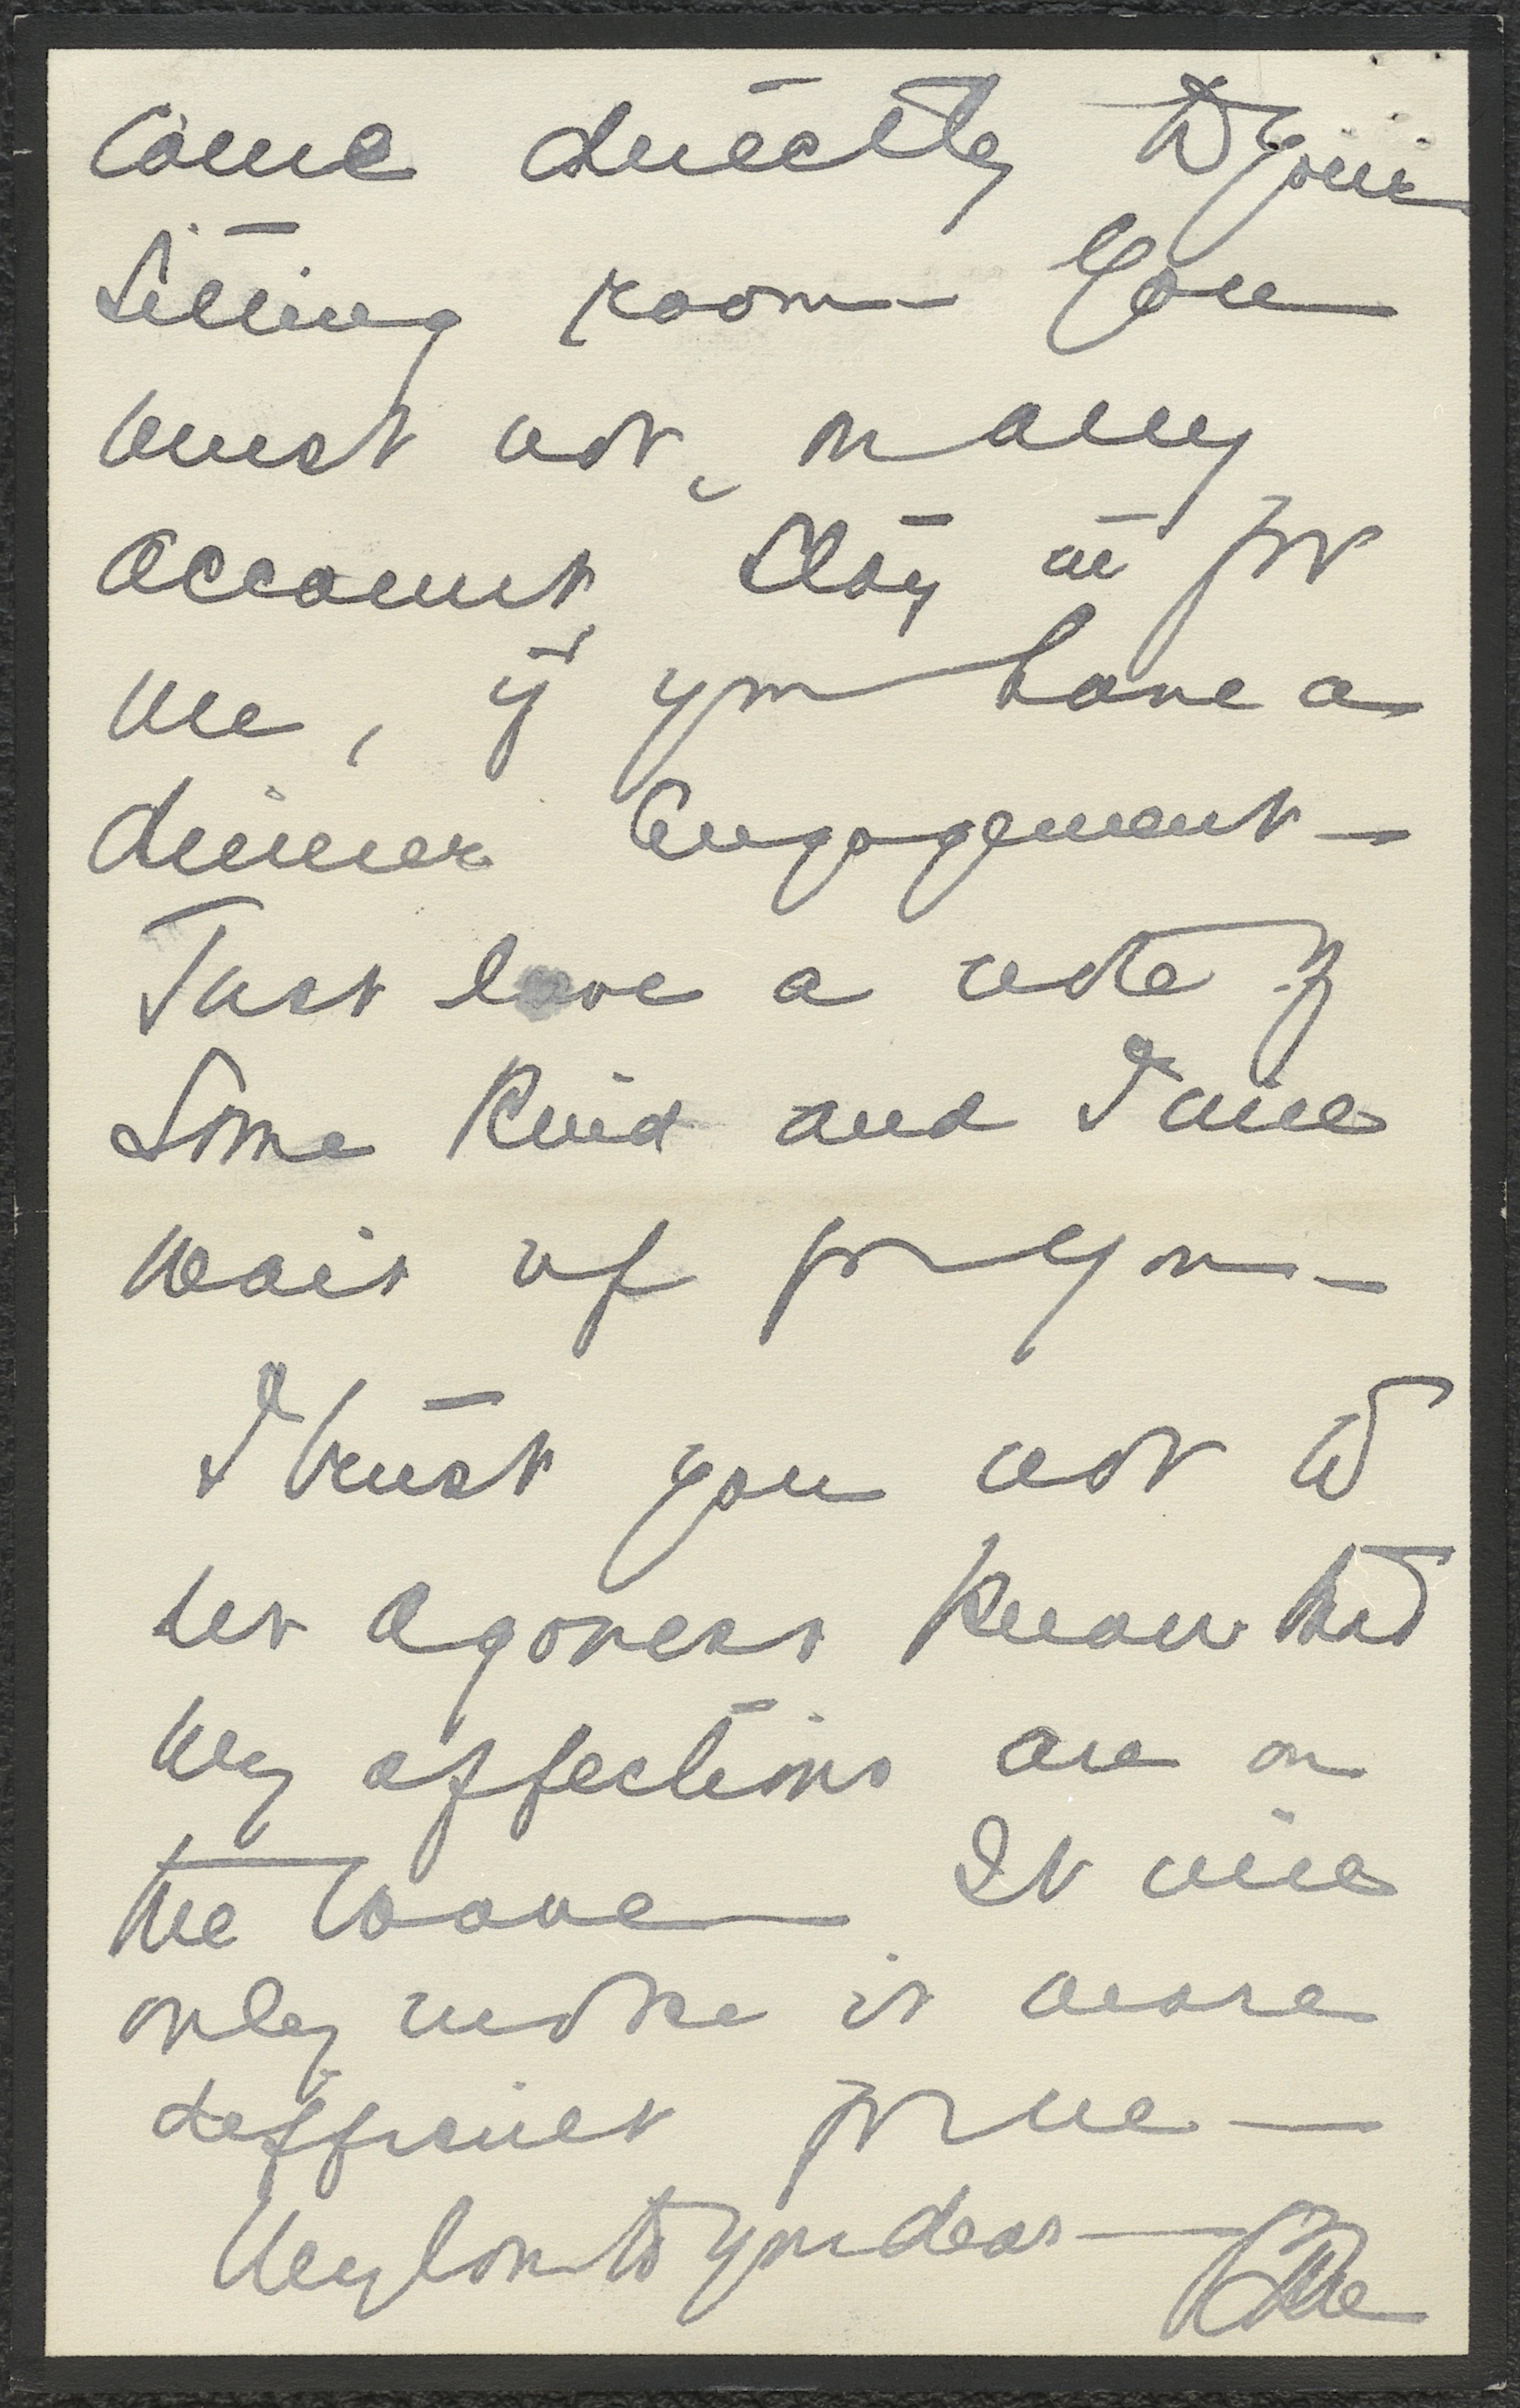come directly to your sitting room – You must not on any account stay in for me, if you have a dinner engagement – Just leave a note of some kind and I will wait up for you –
I trust you not to let Agoness know that my affections are on the move – It will only make it more difficult for me –
My love to you dear – Belle